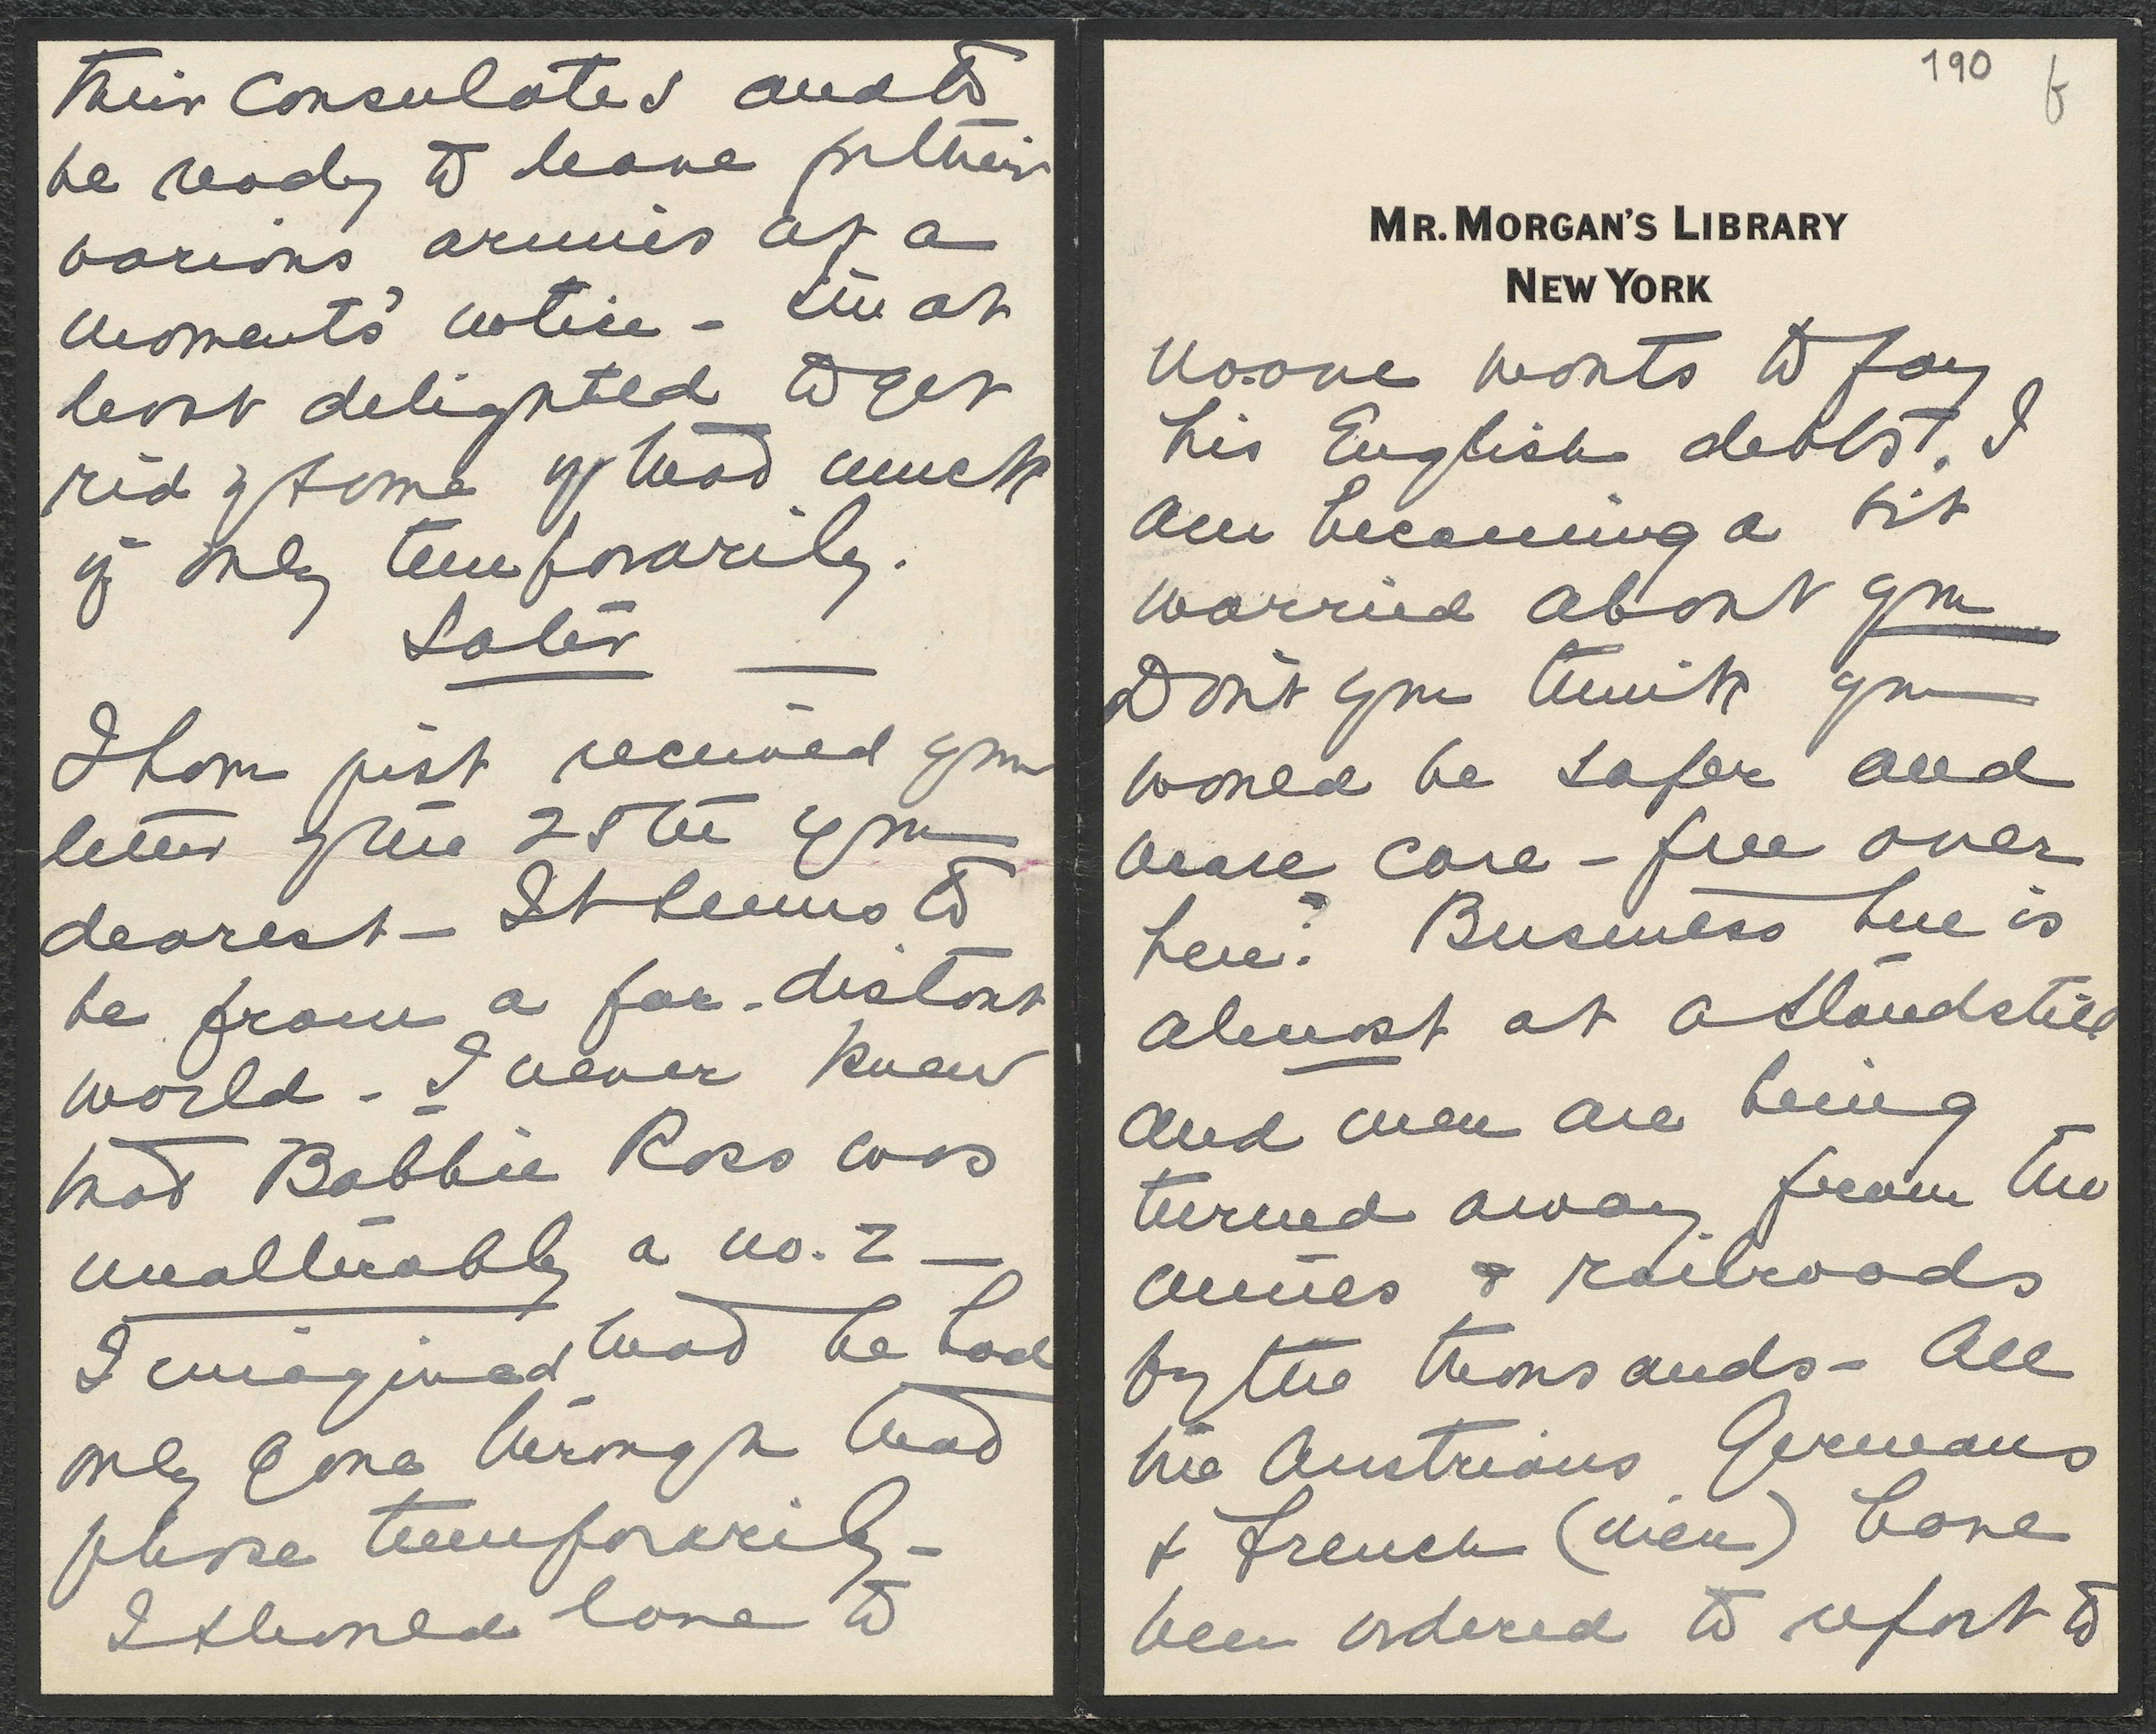Noone [sic] wants to pay his English debts. I am becoming a bit worried about you Don’t you think you would be safer and more care-free over here? Business here is almost at a standstill and men are being turned away from the mines & railroads by the thousands – All the Austrians, Germans & French (men) have been ordered to report to
their consulates and to be ready to leave for their various armies at a moment’s notice – I'm at least delighted to get rid of some of that muck if only temporarily.
Later –
I have just received your letter of the 28th you dearest – It seems to be from a far-distant world – I never knew that Bobbie Ross was unalterably a no. 2 – I imagined that he had only gone through that phase temporarily –
I should love to